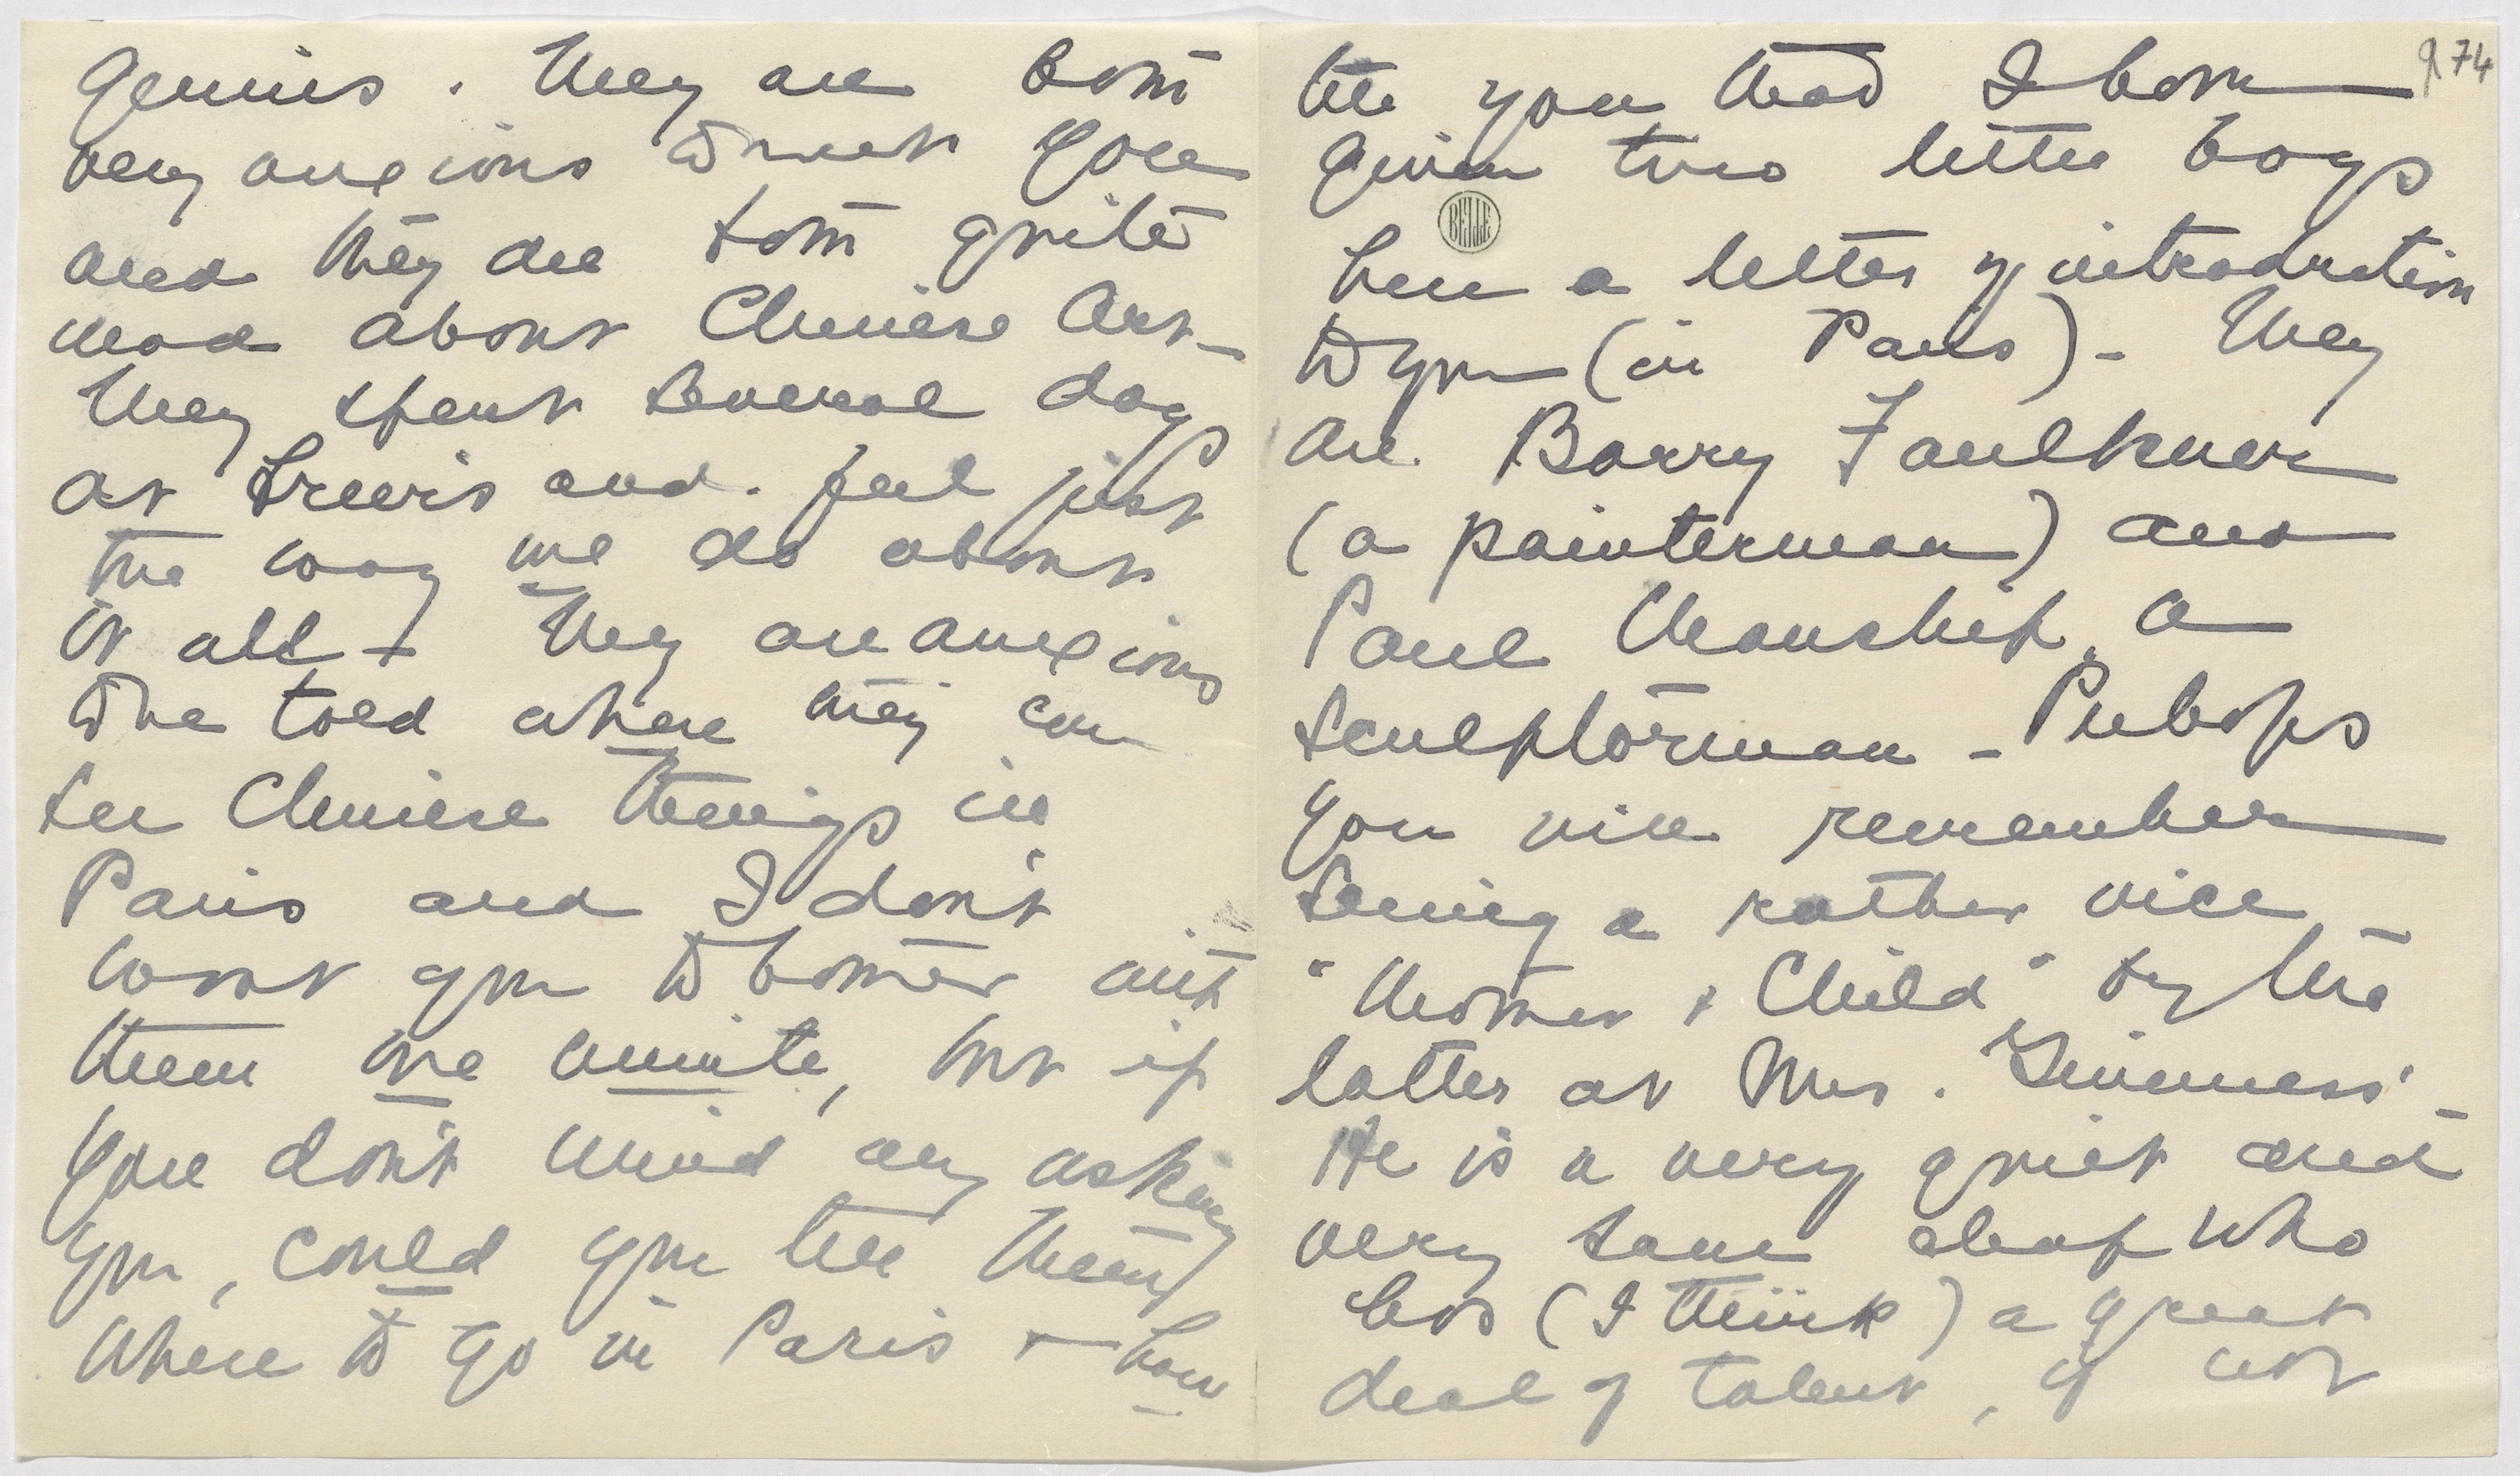tell you that I have given two little boys here a letter of introduction to you (in Paris) – They are Barry Faulkner (a painterman) and Paul Manship a sculptorman – Perhaps you will remember seeing a rather nice “Mother & Child” by the latter at Mrs. Guinness’ – He is a very quiet and very sane chap who has (I think) a great deal of talent, if not
genius. They are both very anxious to meet you and they are both quite mad about Chinese Art – they spent several days at Freer’s and feel just the way we do about it all – they are anxious to be told where they can see Chinese things in Paris and I don’t want you to bother with them one minute, but if you don’t mind my asking you, could you tell them where to go in Paris & how